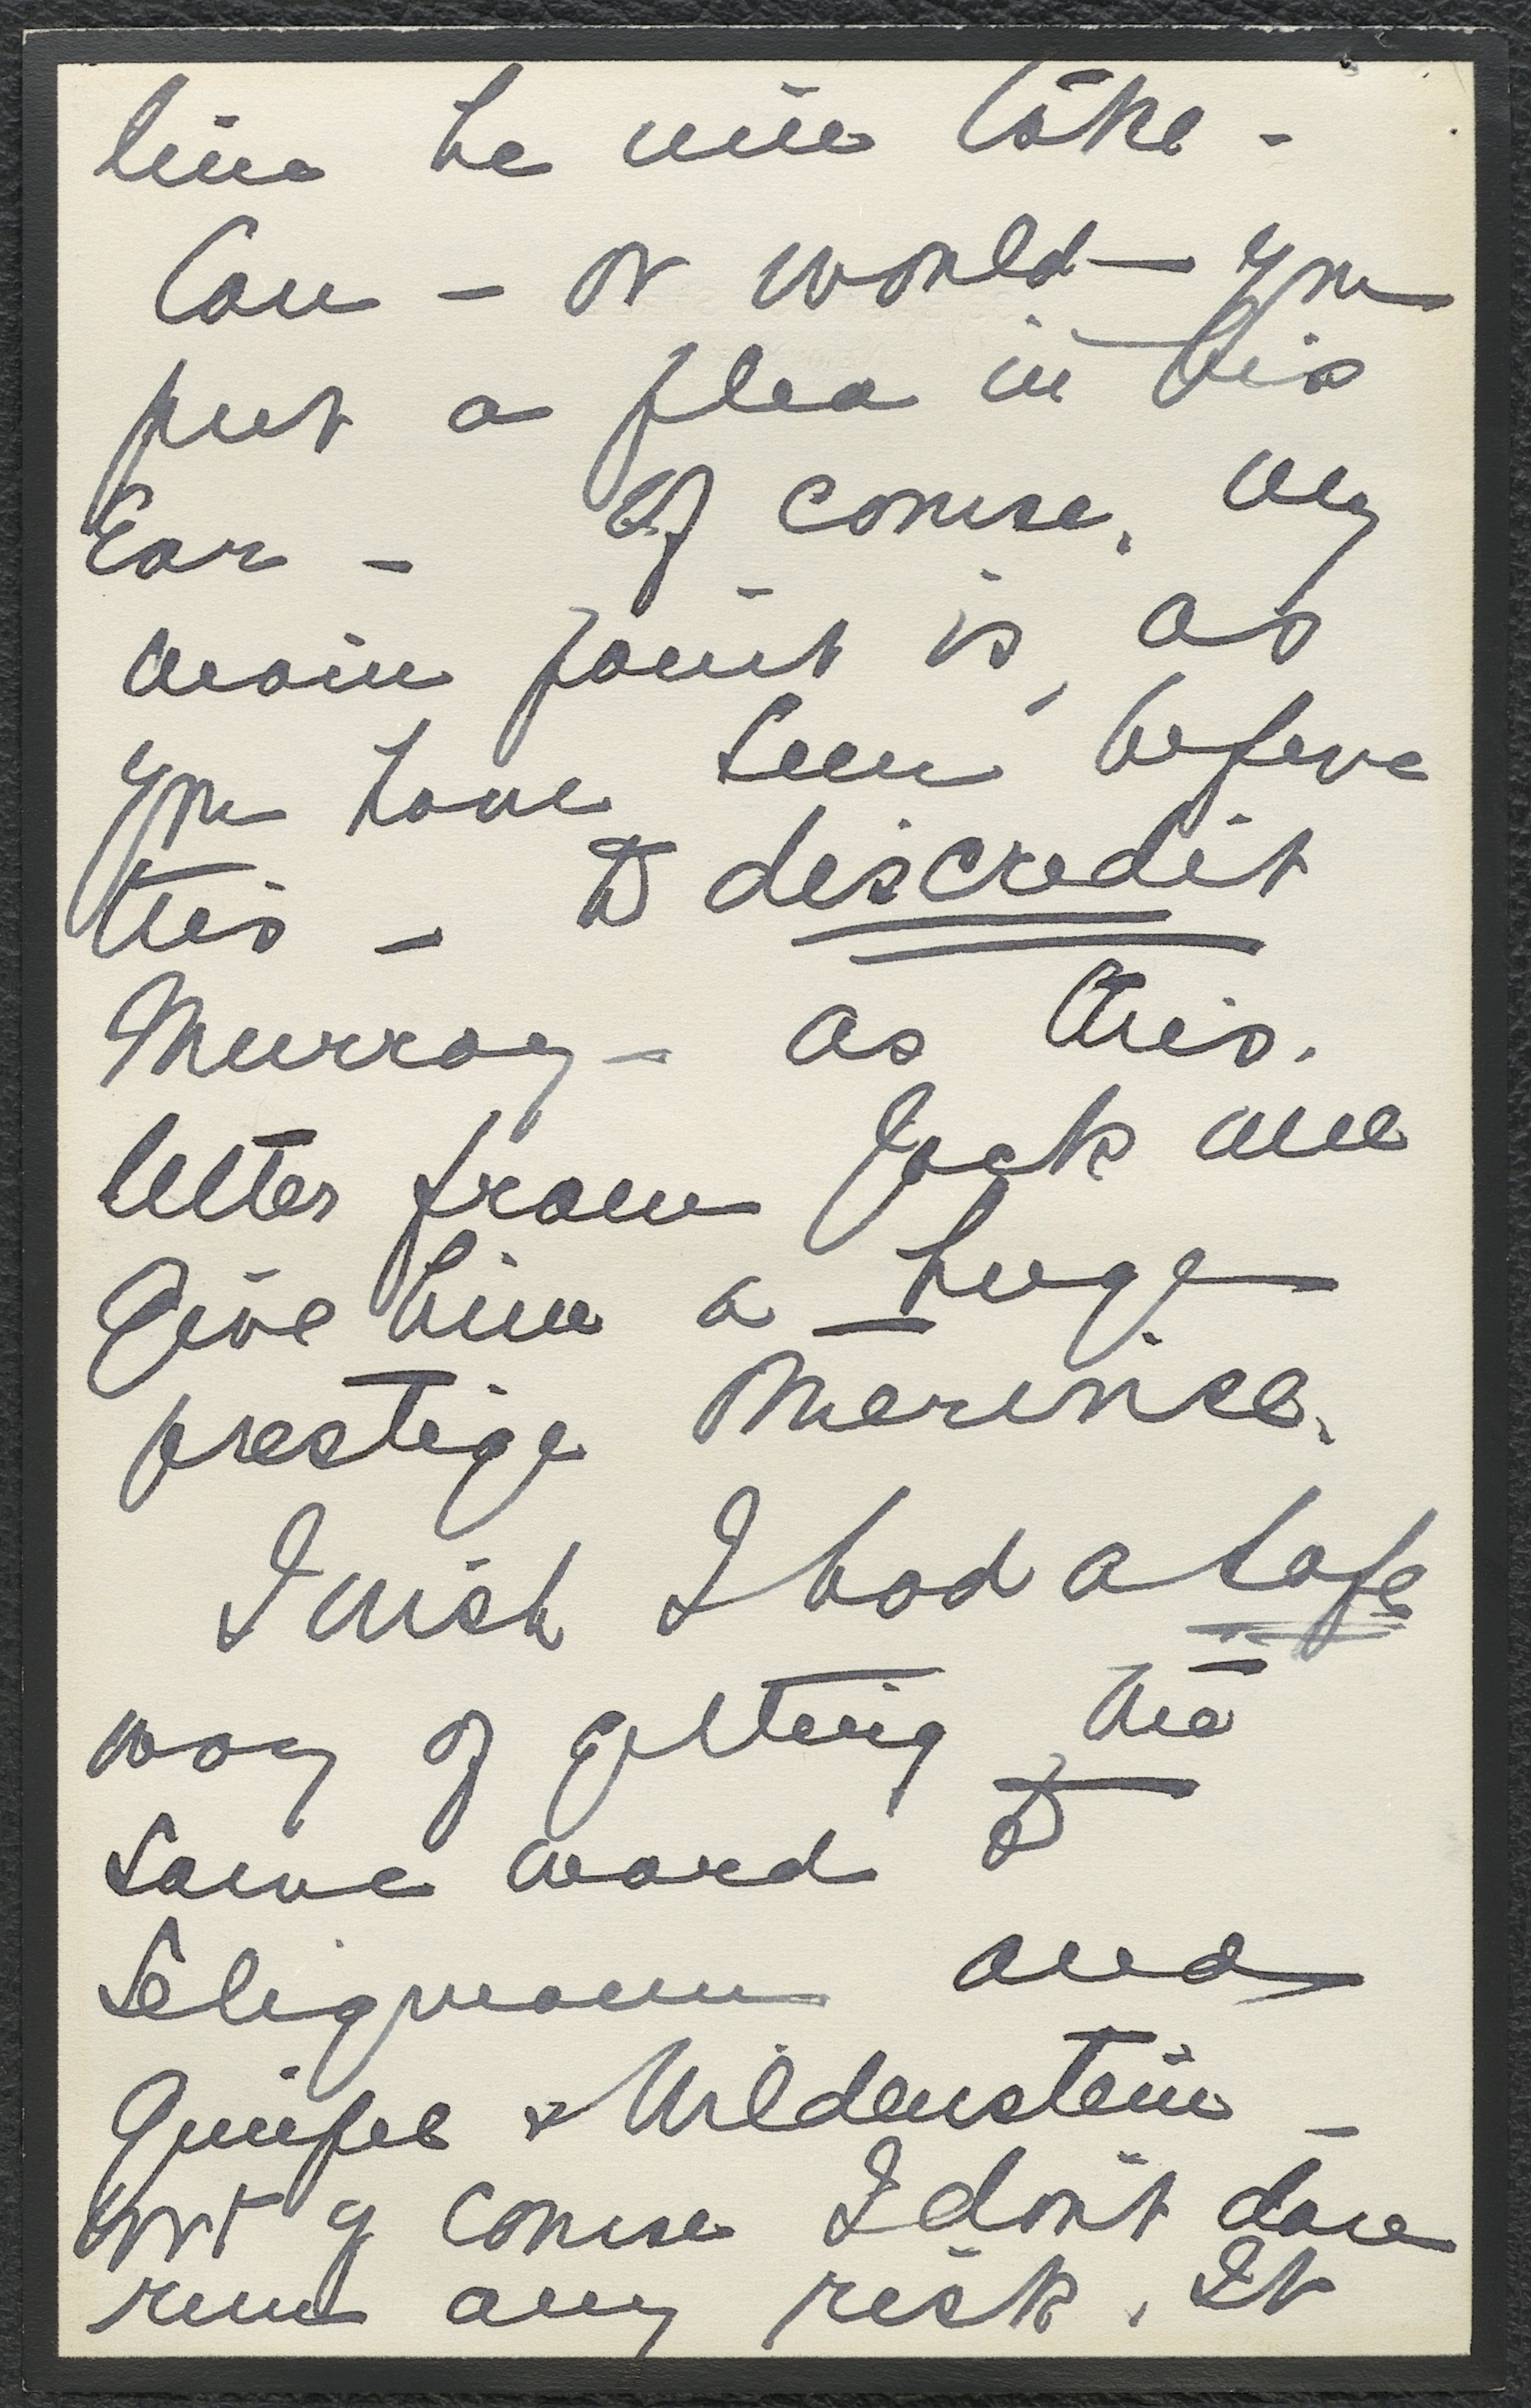line he will take –
Can – or would – you put a plea in his ear – of course, my main point is, as you have seen before this – to [double underline: discredit] Murray – as this letter from Jack will give him a huge prestige otherwise.
I wish I had a [double underlined: safe] way of getting the same word to Seligmann and Gimpel & Wildenstein – but of course I don’t dare run any risk. It